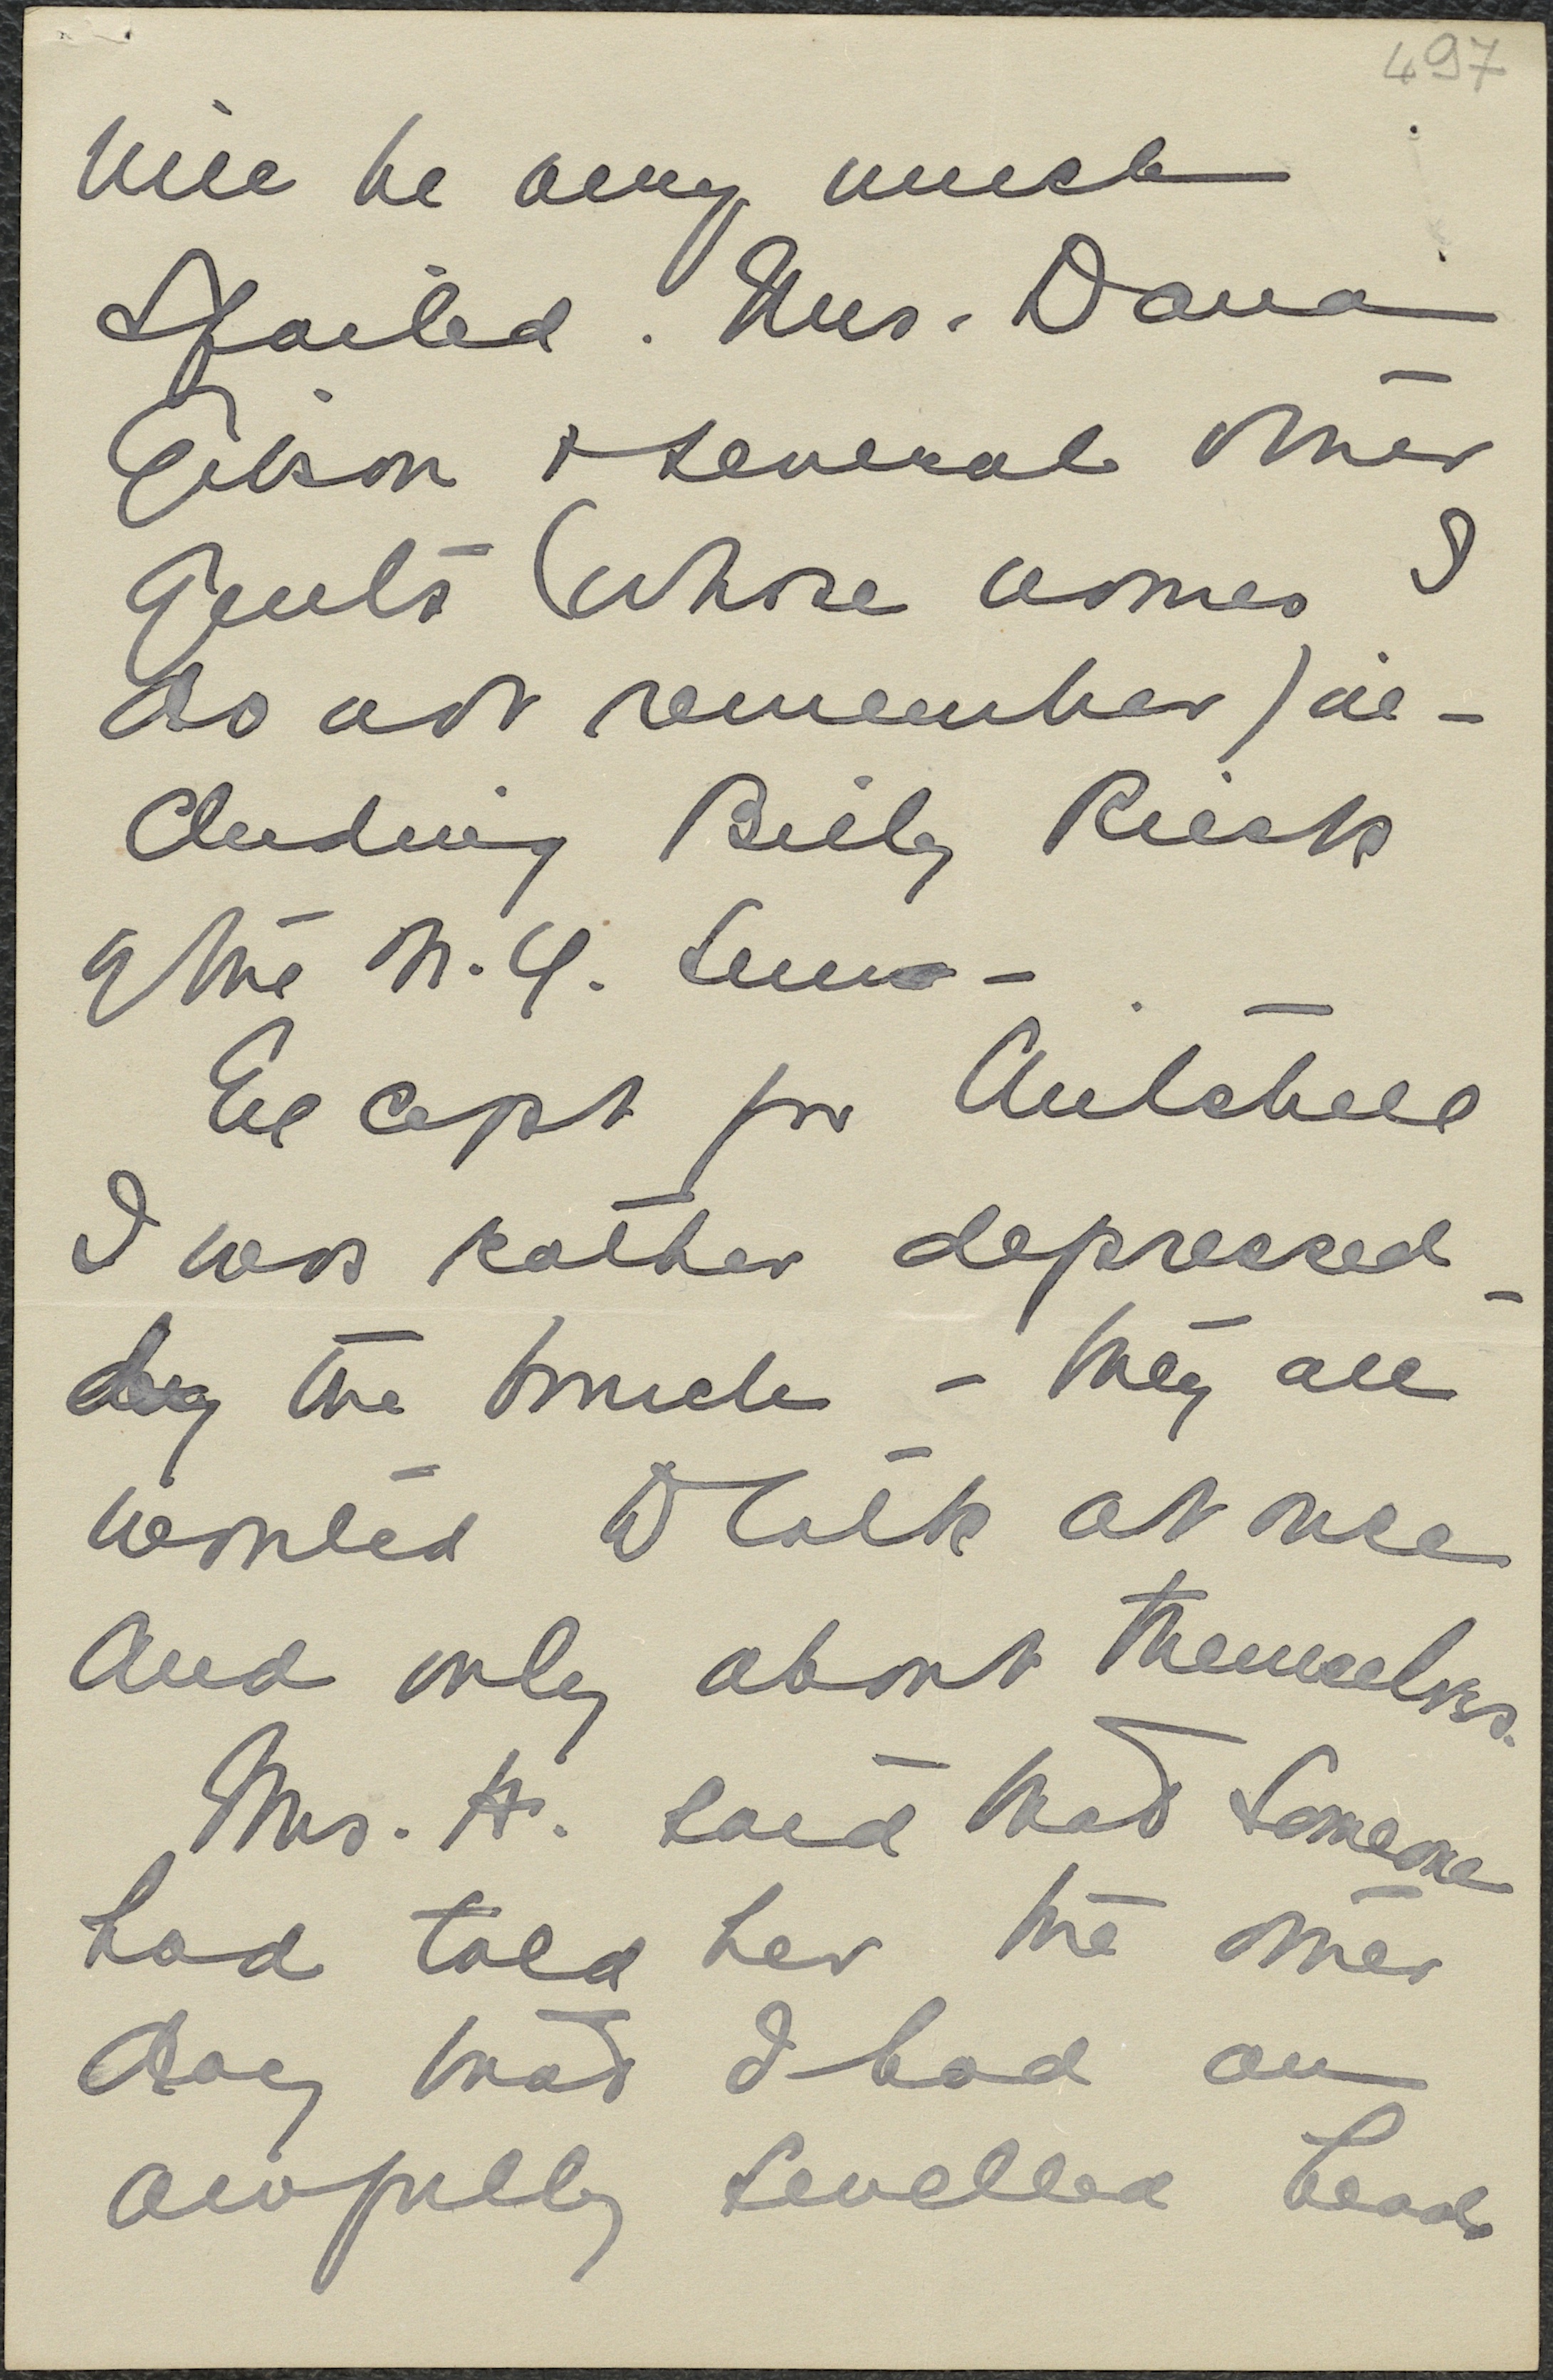will be very much spoiled. Mrs. Dana Gibson & several other guests (whose names I do not remember) including Billy Rieck of the N.Y. Sun –
Except for Mitchell [sic] I was rather depressed by the bunch – they all wanted to talk at once and only about themselves. Mrs. H said that someone had told her the other day that I had an awfully swelled head,